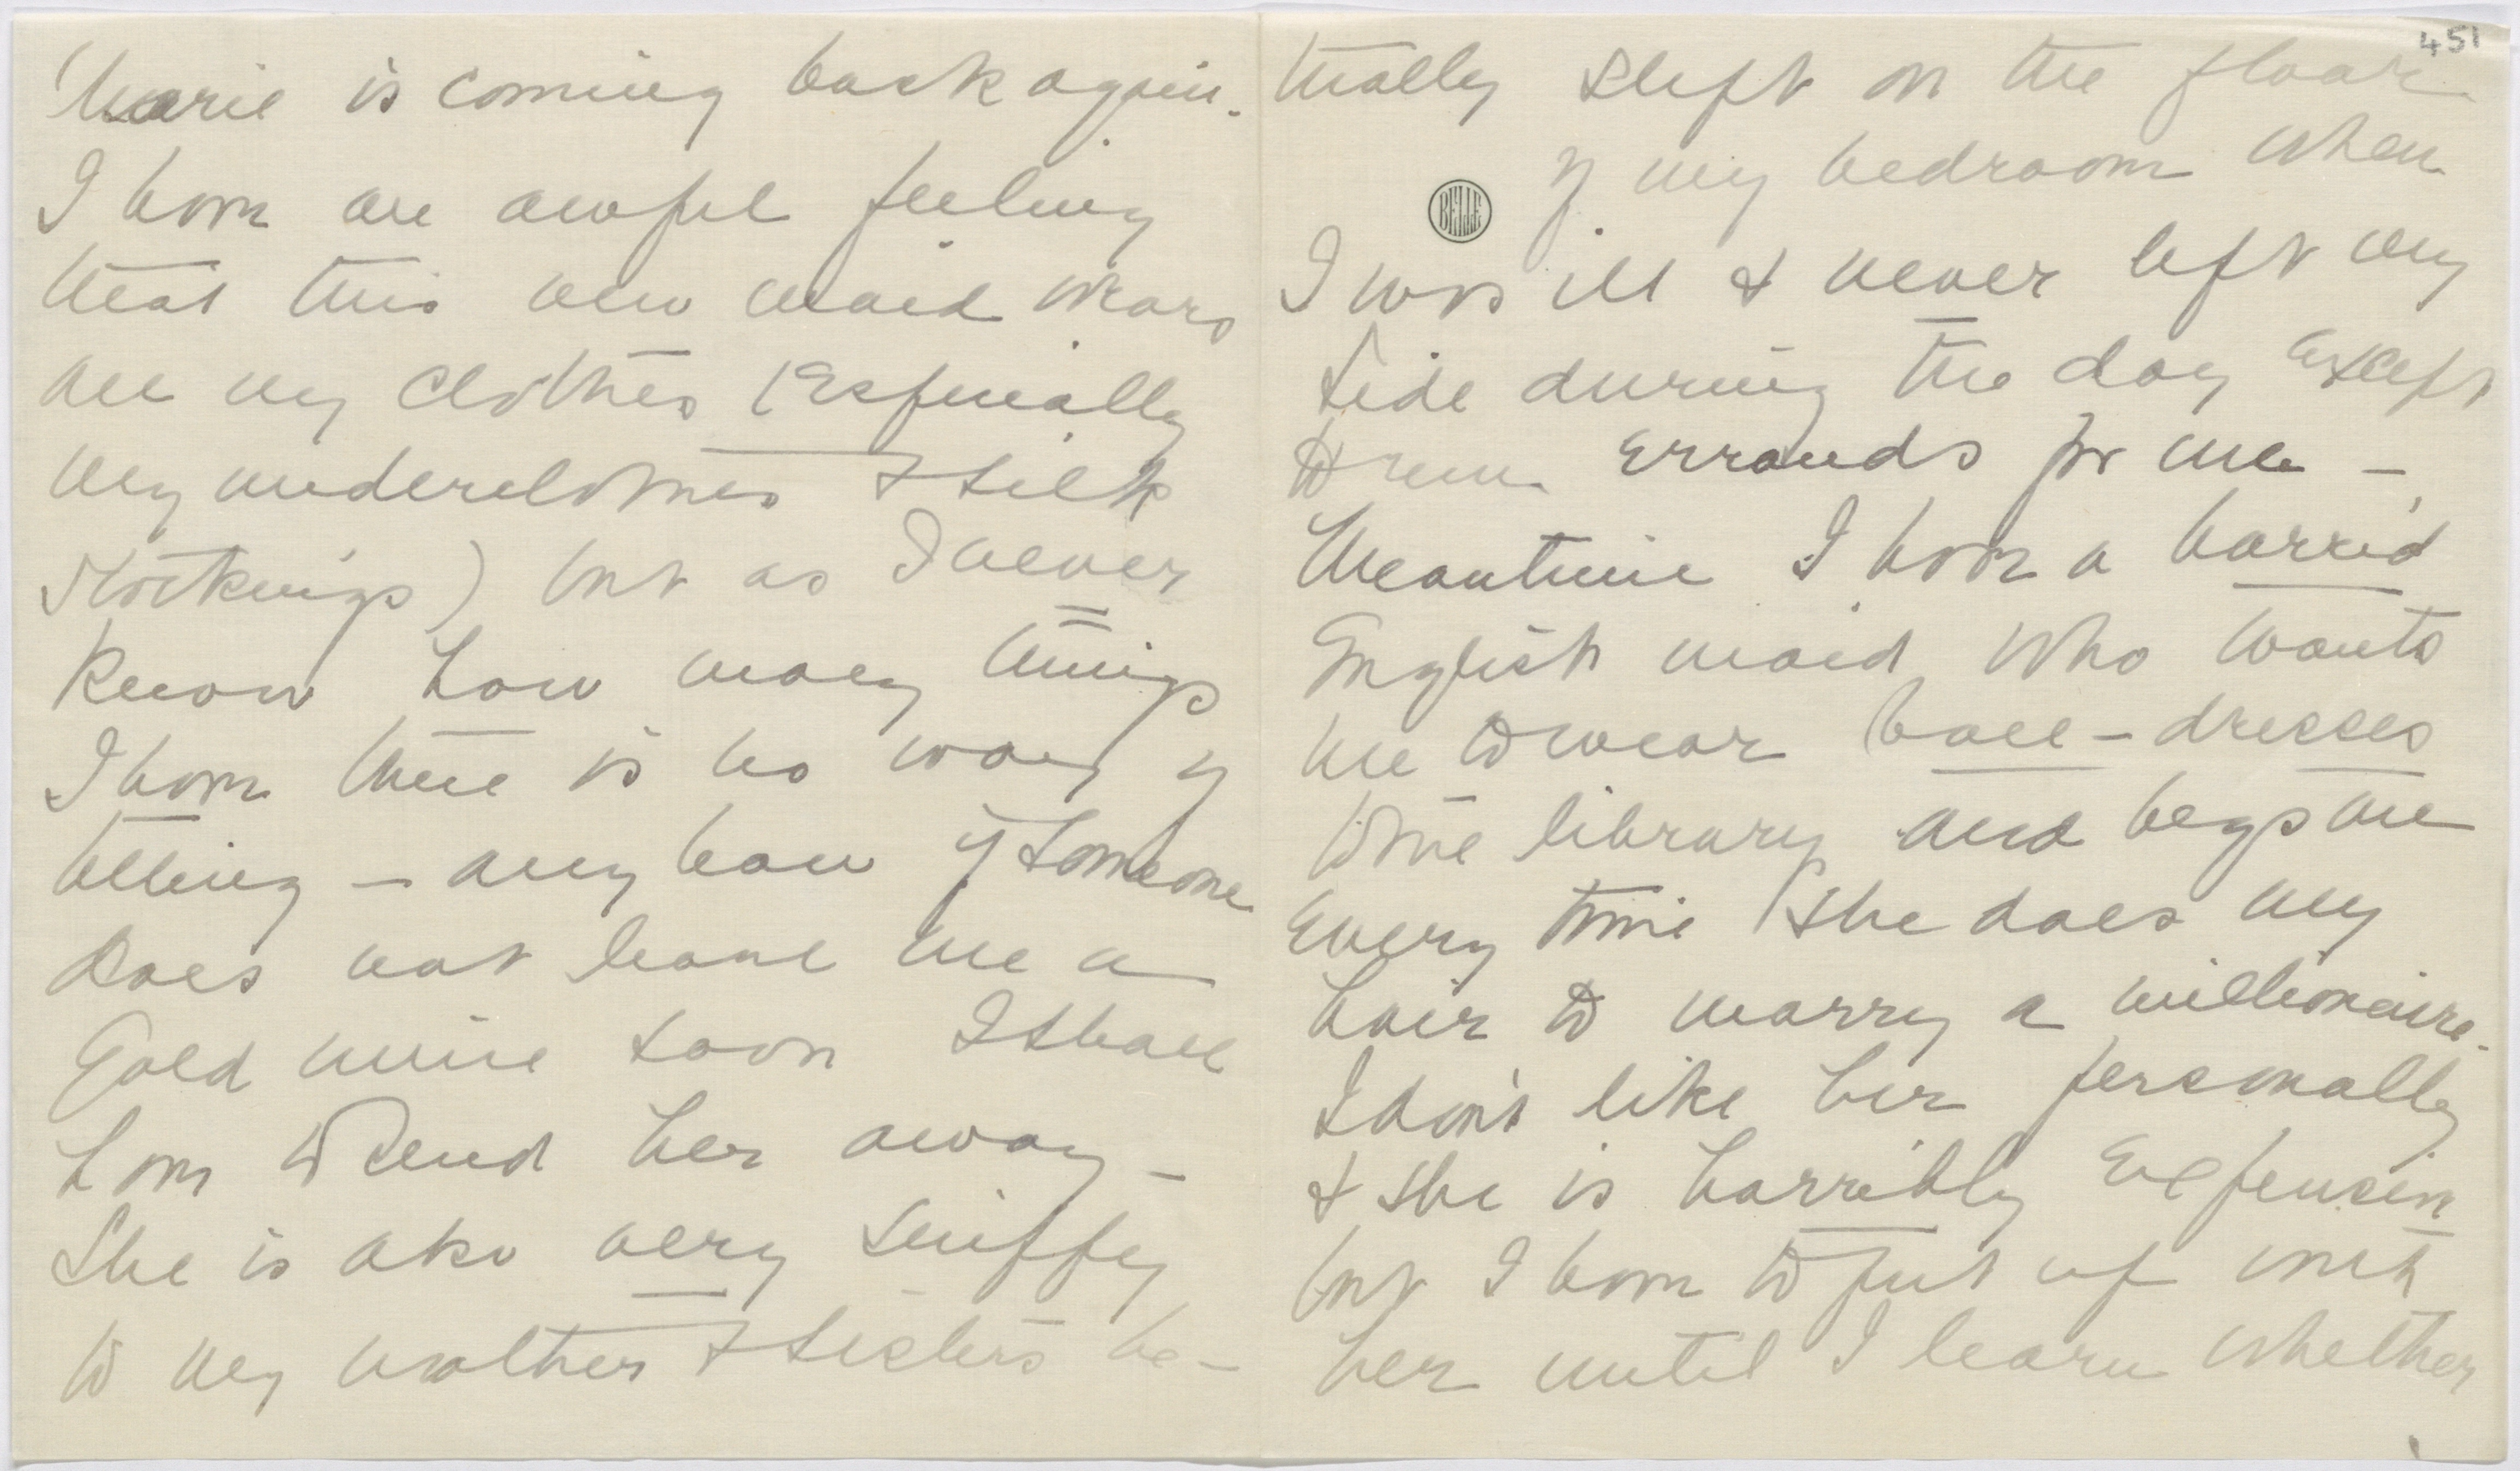slept on the floor of my bedroom when I was ill & never left my side during the day except to run errands for me – Meantime I have a horrid English maid who wants me to wear ball-dresses to the library and begs me every time she does my hair to marry a millionaire. I don’t like her personally & she is horribly expensive but I have to put up with her until I learn whether
Marie is coming back again. I have an awful feeling that this new maid wears all my clothes (especially my underclothes & silk stockings) but as I never know how many things I have there is no way of telling – any how if someone does not hand me a gold mind soon I shall have to send her away – She is also very snippy to my mother & sisters because